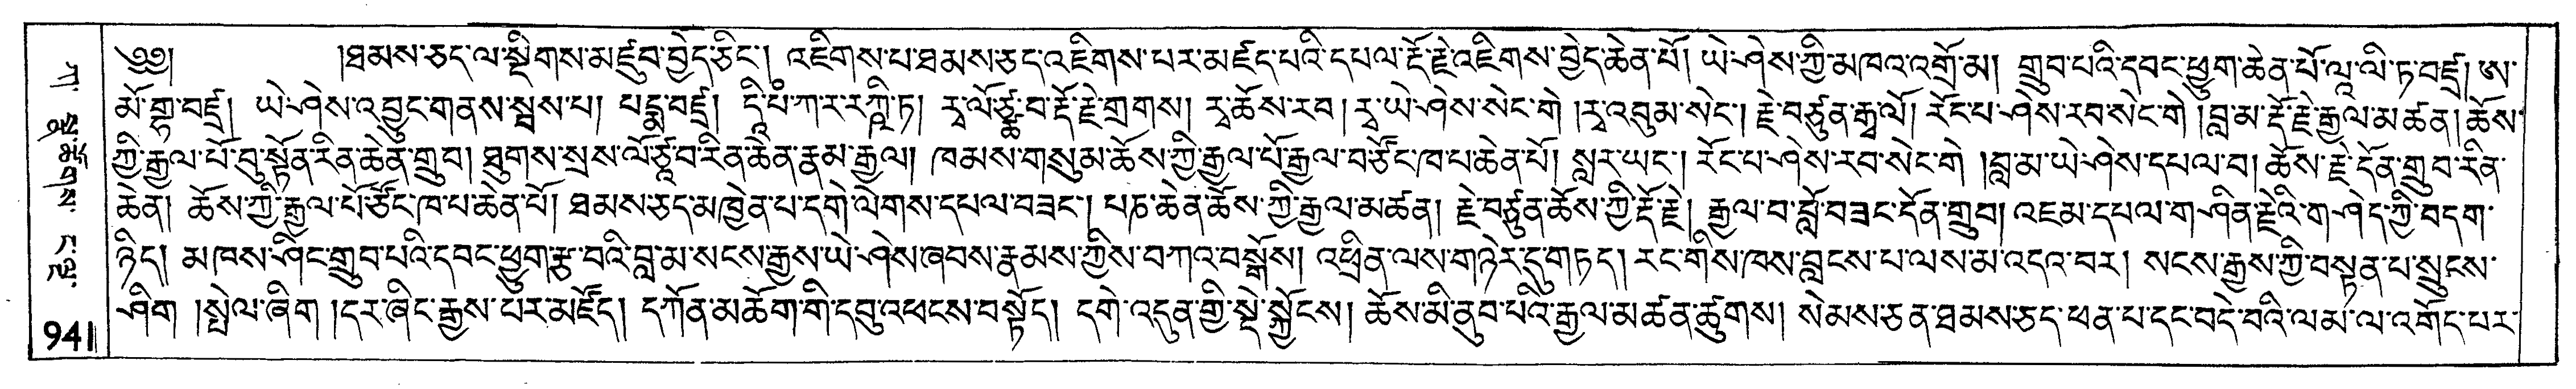༄༅། །ཐམས་ཅད་ལ་སྡིགས་མཛུབ་བྱེད་ཅིང་། འཇིགས་པ་ཐམས་ཅད་འཇིགས་པར་མཛད་པའི་དཔལ་རྡོ་རྗེ་འཇིགས་བྱེད་ཆེན་པོ། ཡེ་ཤེས་ཀྱི་མཁའ་འགྲོ་མ། གྲུབ་པའི་དབང་ཕྱུག་ཆེན་པོ་ལཱ་ལི་ཏ་བཛྲ། ཨ་
མོ་གྷ་བཛྲ། ཡེ་ཤེས་འབྱུང་གནས་སྦས་པ། པདམ་བཛྲ། དཱི་པཾ་ཀ་ར་རཀྵི་ཏ། རྭ་ལོ་ཙྪ་བ་རྡོ་རྗེ་གྲགས། རྭ་ཆོས་རབ། རྭ་ཡེ་ཤེས་སེང་གེ །རྭ་འབུམ་སེང་། རྗེ་བཙུན་རྒྭ་ལོ། རོང་པ་ཤེས་རབ་སེང་གེ །བླ་མ་རྡོ་རྗེ་རྒྱལ་མཚན། ཆོས་
ཀྱི་རྒྱལ་པོ་བུ་སྟོན་རིན་ཆེན་གྲུབ། ཐུགས་སྲས་ལོ་ཙཱ་བ་རིན་ཆེན་རྣམ་རྒྱལ། ཁམས་གསུམ་ཆོས་ཀྱི་རྒྱལ་པོ་རྒྱལ་བ་ཙོང་ཁ་པ་ཆེན་པོ། སླར་ཡང་། རོང་པ་ཤེས་རབ་སེང་གེ །བླ་མ་ཡེ་ཤེས་དཔལ་བ། ཆོས་རྗེ་དོན་གྲུབ་རིན་
ཆེན། ཆོས་ཀྱི་རྒྱལ་པོ་ཙོང་ཁ་པ་ཆེན་པོ། ཐམས་ཅད་མཁྱེན་པ་དགེ་ལེགས་དཔལ་བཟང་། པཎ་ཆེན་ཆོས་ཀྱི་རྒྱལ་མཚན། རྗེ་བཙུན་ཆོས་ཀྱི་རྡོ་རྗེ། རྒྱལ་བ་བློ་བཟང་དོན་གྲུབ། འཇམ་དཔལ་གཤིན་རྗེའི་གཤེད་ཀྱི་བདག་
ཉིད། མཁས་ཤིང་གྲུབ་པའི་དབང་ཕྱུག་རྩ་བའི་བླ་མ་སངས་རྒྱས་ཡེ་ཤེས་ཞབས་རྣམས་ཀྱིས་བཀའ་བསྒོས། འཕྲིན་ལས་གཉེར་དུ་གཏད། རང་གིས་ཁས་བླངས་པ་ལས་མ་འདའ་བར། སངས་རྒྱས་ཀྱི་བསྟན་པ་སྲུངས་
ཤིག །སྤེལ་ཞིག །དར་ཞིང་རྒྱས་པར་མཛོད། དཀོན་མཆོག་གི་དབུ་འཕངས་བསྟོད། དགེ་འདུན་གྱི་སྡེ་སྐྱོངས། ཆོས་མི་ནུབ་པའི་རྒྱལ་མཚན་ཚུགས། སེམས་ཅན་ཐམས་ཅད་ཕན་པ་དང་བདེ་བའི་ལམ་ལ་འགོད་པར་